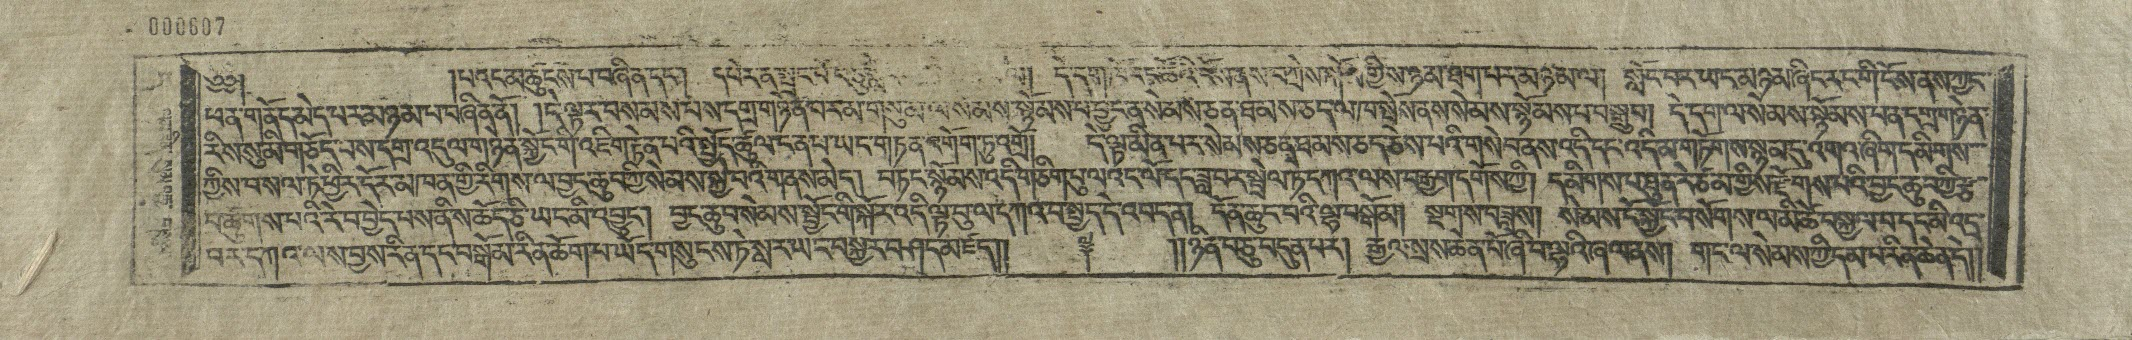༄༅། །པའང་མཚུངས་པ་བཞིན་དང་། དཔེར་ན་སྤྲང་པོ་བཅུ་སློང་བར་འོངས་པ་ལ། དེ་དག་ཁོ་རང་ཚོའི་ངོས་ནས་བཀྲེས་སྐོམ་གྱིས་ཉམ་ཐག་པར་མཉམ་ལ། སློང་བར་ཡང་མཉམ་ཞིང་རང་གི་ངོས་ནས་ཀྱང་
ཕན་གནོད་མེད་པར་མཉམ་པ་བཞིན་ནོ། །དེ་ལྟར་བསམས་པས་དགྲ་གཉེན་བར་མ་གསུམ་ལ་སེམས་སྙོམས་པ་བྱུང་ན་སེམས་ཅན་ཐམས་ཅད་ལ་ཁ་སྤོས་ནས་སེམས་སྙོམས་པ་བསྒྲུབ། དེ་དག་ལ་སེམས་སྙོམས་པ་ན་དགྲ་གཉེན་
རིས་སུ་མི་གཅོད་པས་དགྲ་འདུལ་གཉེན་སྐྱོང་གི་འཇིག་རྟེན་པའི་སྤྱོད་ཚུལ་ངན་པ་ཡང་གཏན་འགོག་ཏུ་འགྲོ། དེ་ལྟ་མིན་པར་སེམས་ཅན་ཐམས་ཅད་ཅེས་པའི་གསེབ་ནས་འདི་དང་འདི་མ་གཏོགས་སྙམ་དུ་འགའ་ཞིག་དམིགས་
ཀྱིས་བསལ་ཏེ་ཕྱིར་དོར་མཁན་གྱི་རིགས་ལ་བྱང་ཆུབ་ཀྱི་སེམས་སྐྱེ་བའི་གནས་མེད། བཏང་སྙོམས་འདི་གཅིག་པུ་ལའང་ལོ་དང་ཟླ་བར་སྦྲེལ་ཏེ་དཀའ་ལས་བརྒྱག་དགོས་ཀྱི། དམིགས་པ་ཐུན་རེ་ཙམ་གྱིས་རྫོགས་པའི་བྱང་ཆུབ་ཀྱི་རྩ་
བ་ཚུགས་པའི་རེ་བ་བྱེད་པས་ནི་ས་ཆོད་ཅི་ཡང་མི་འབྱུང་། བྱང་ཆུབ་སེམས་སྦྱོང་གི་སྐོར་འདི་ལྟ་བུ་ལ་དཀའ་བ་སྤྱད་དེ་འབད་ན། དོན་ཆུང་བའི་ལྷ་བསྒོམ། སྔགས་བཟླས། སེམས་ངོ་སྐྱོང་བ་སོགས་ལ་མི་ཚེ་བསྐྱལ་བ་དང་མི་འདྲ་
བར་དཀའ་ལས་བྱས་རིན་དང་བསྒོམ་རིན་ཆོག་པ་ཡོད་གསུངས་ཏེ་སླར་ཡང་བསྐྱར་བཤད་མཛད།། ༈ །།ཉིན་བཅུ་བདུན་པར། རྒྱལ་སྲས་ཆེན་པོ་ཞི་བ་ལྷའི་ཞལ་ནས། གང་ལ་སེམས་ཀྱི་དམ་པ་རིན་ཆེན་དེ།།